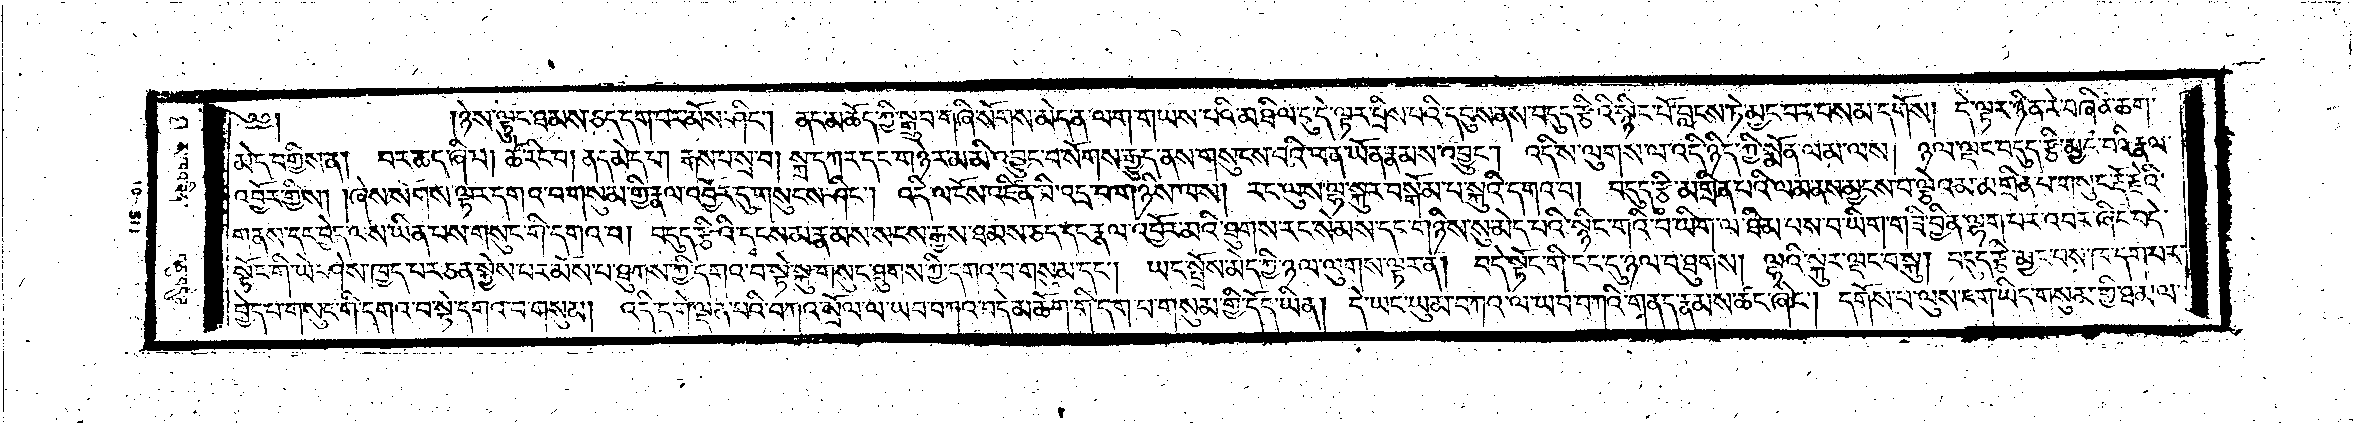༄༅། །ཉེས་ལྟུང་ཐམས་ཅད་དག་པར་མོས་ཤིང་། ནང་མཆོད་ཀྱི་སྒྲུབ་གཞི་སོགས་མེད་ན་ལག་གཡས་པའི་མཐིལ་དུ་དེ་ལྟར་བྲིས་པའི་དབུས་ནས་བདུད་རྩིའི་སྙིང་པོ་བླངས་ཏེ་མྱང་བར་བསམ་དགོས། དེ་ལྟར་ཉིན་རེ་བཞིན་ཆག་
མེད་བགྱིས་ན། བར་ཆད་ཞི་བ། ཚེ་རིང་བ། ནད་མེད་པ། རྒས་པ་སྲ་བ། སྐྲ་དཀར་དང་གཉེར་མ་མི་འབྱུང་བ་སོགས་རྒྱུད་ནས་གསུངས་པའི་ཕན་ཡོན་རྣམས་འབྱུང་། འདི་ས་ལུགས་ལ་འདི་ཉིད་ཀྱི་སྨོན་ལམ་ལས། ཉལ་ལྡང་བདུད་རྩི་མྱང་བའི་རྣལ་
འབྱོར་གྱིས། །ཞེས་སོགས་ལྟར་དགའ་བ་གསུམ་གྱི་རྣལ་འབྱོར་དུ་གསུངས་ཤིང་། འདི་ལ་ངོས་འཛིན་མི་འདྲ་བ་གཉིས་ལས། རང་ལུས་ལྷ་སྐུར་བསྒོམ་པ་སྐུའི་དགའ་བ། བདུད་རྩི་མགྲིན་པའི་ལམ་ནས་མྱངས་པ་ལྕེའམ་མགྲིན་པ་གསུང་རྡོ་རྗེའི་
གནས་དང་བྱེད་ལས་ཡིན་པས་གསུང་གི་དགའ་བ། བདུད་རྩིའི་དྭངས་མ་རྣམས་སངས་རྒྱས་ཐམས་ཅད་དང་རྣལ་འབྱོར་མའི་ཐུགས་རང་སེམས་དང་གཉིས་སུ་མེད་པའི་སྙིང་གའི་བཾ་ཡིག་ལ་ཐིམ་པས་བཾ་ཡིག་གཟི་བྱིན་ལྷག་པར་འབར་ཞིང་བདེ་
སྟོང་གི་ཡེ་ཤེས་ཁྱད་པར་ཅན་སྐྱེས་པར་མོས་པ་ཐུགས་ཀྱི་དགའ་བ་སྟེ་སྐུ་གསུང་ཐུགས་ཀྱི་དགའ་བ་གསུམ་དང་། ཡང་སྤྲོས་མེད་ཀྱི་ཉལ་ལུགས་ལྟར་ན། བདེ་སྟོང་གི་ངང་དུ་ཉལ་བ་ཐུགས། ལྷའི་སྐུར་ལྡང་བ་སྐུ། བདུད་རྩི་མྱང་བས་ཁ་དག་པར་
བྱེད་པ་གསུང་གི་དགའ་བ་སྟེ་དགའ་བ་གསུམ། འདི་དགེ་ལྡན་པའི་བཀའ་སྲོལ་ལ་ཡབ་བཀའ་བདེ་མཆོག་གི་དག་པ་གསུམ་གྱི་དོད་ཡིན། དེ་ཡང་ཡུམ་བཀའ་ལ་ཡབ་བཀའི་གནད་རྣམས་ཚང་ཞིང་། དགོས་པ་ལུས་ངག་ཡིད་གསུམ་གྱི་ཐ་མལ་